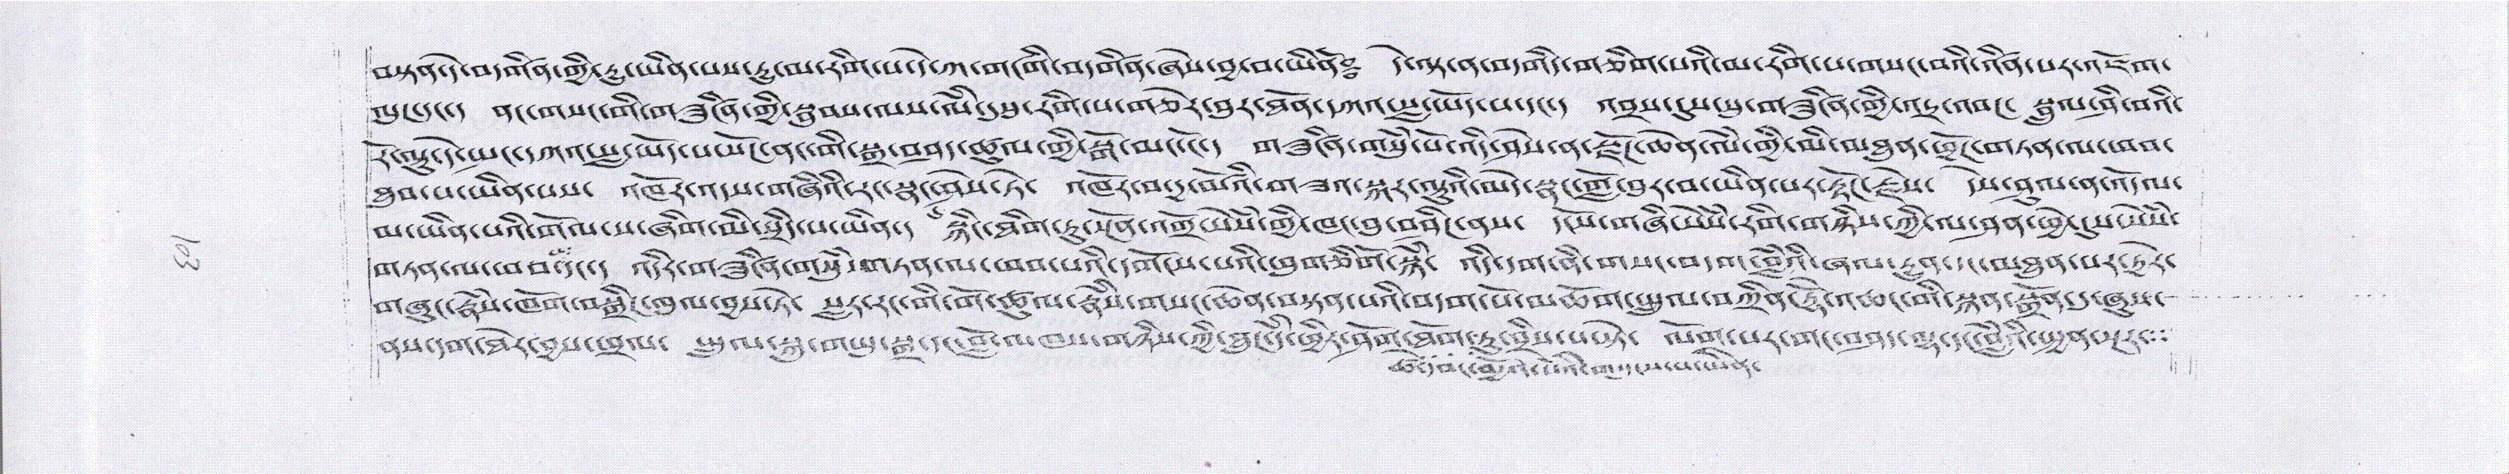བསྟན་དེ་བདག་འཛིན་གྱི་རྒྱུ་ཡིན་པས་རྒྱུ་མ་རིག་པ་དེ་ཀ་གང་ཟག་གི་བདག་འཛིན་ཞེས་བྱ་བ་ཡིན་ནོཿ དེ་ལྟ་ན་བདག་ཉིད་གཅིག་པའི་མ་རིག་པ་གསང་བའི་འཛིན་པར་འཇོག་
ལུགས་དང་། ནང་གསང་གི་གཟུང་འཛིན་གྱི་སྦུབས་ལས་ལམ་དུས་སུ་རིག་པ་གཅེར་བུར་ཐོན་དཀའ་སླ་ཡོད་པ་དང་། འབྲས་དུས་སུ་གཟུང་འཛིན་གྱི་འདྲ་འབག་སྦྲུལ་ཤི་བའི་
རོ་ལྟ་བུ་དེ་ཡང་སྤང་དཀའ་སླ་ཡོད་པ་ལྟ་བུ་སོགས་ནང་གི་སྒྲ་བཤད་ཚུལ་གྱི་སྒོ་མང་ངོ་། གཟུང་འཛིན་གསུམ་པོ་འདི་ཤེས་ན་རྫོགས་ཆེན་ལམ་གྱི་མི་མཐུན་ཕྱོགས་གཏན་ལ་ཕབ་
ཐུབ་པ་ཡིན་པས་འཁོར་འདས་གཞིའི་རང་སྣང་ཤེས་ཏེ། འཁོར་བ་རྒྱ་མཚོའི་གཟའ་སྐར་ལྟ་བུ་མེད་སྣང་གློ་བུར་བ་ཡིན་པར་རྟོགས་རྗེས་དེའི་ཤུལ་ན་འོད་གསལ་
མ་ཡིན་པའི་གོལ་ས་ཞིག་མི་སྲིད་པ་ཡིན། སྙིང་ཐིག་ཏུ་སྔོན་འགྲོ་སེམས་ཀྱི་ཁང་བུ་བཤིགས་ནས་དངོས་གཞི་སེམས་རིག་གཉིས་ཀྱི་ལ་ཤན་ཕྱེ་དུས་སེམས་
གཏན་ལ་ཕབ་པ་དང་། འདིར་གཟུང་འཛིན་གསུམ་གཏན་ལ་ཕབ་པའི་དགོངས་པའི་ཕུག་གཅིག་གོ་སྙམ། འདི་དག་ནི་གསང་བདག་བླ་མའི་ཞལ་རྒྱུན་དང་མཐུན་པར་གཏེར་
གཞུང་རྣམས་ཁོག་བསྒྲིགས་ཁུལ་བྱས་ཏེ་སླར་རང་གི་གོ་ཚུལ་རྣམས་གསང་ཆེན་བསྟན་པའི་བདག་པོ་མཆོག་སྤྲུལ་བཀའ་དྲིན་རྡོ་རྗེ་འཆང་གི་སྙན་སྦྲོན་དུ་ཞུས་
ནས་དག་ཐེར་བྱས་ཕྲལ། སྤྲུལ་སྐུ་གཡུ་སྒྲ་དང་བློ་མཁས་གཉིས་ཀྱི་ཐུགས་དམ་ཕྱིར་ཤོག་ཐོག་ཏུ་༼ཚེ་དབང་མཁྱེན་པའི་གསུངས་པ་ཡིན༽བྲིས་པ་སྟེ། ལོག་པར་གང་བཤད་ལྷ་དང་བླ་མའི་སྤྱན་སྔར་